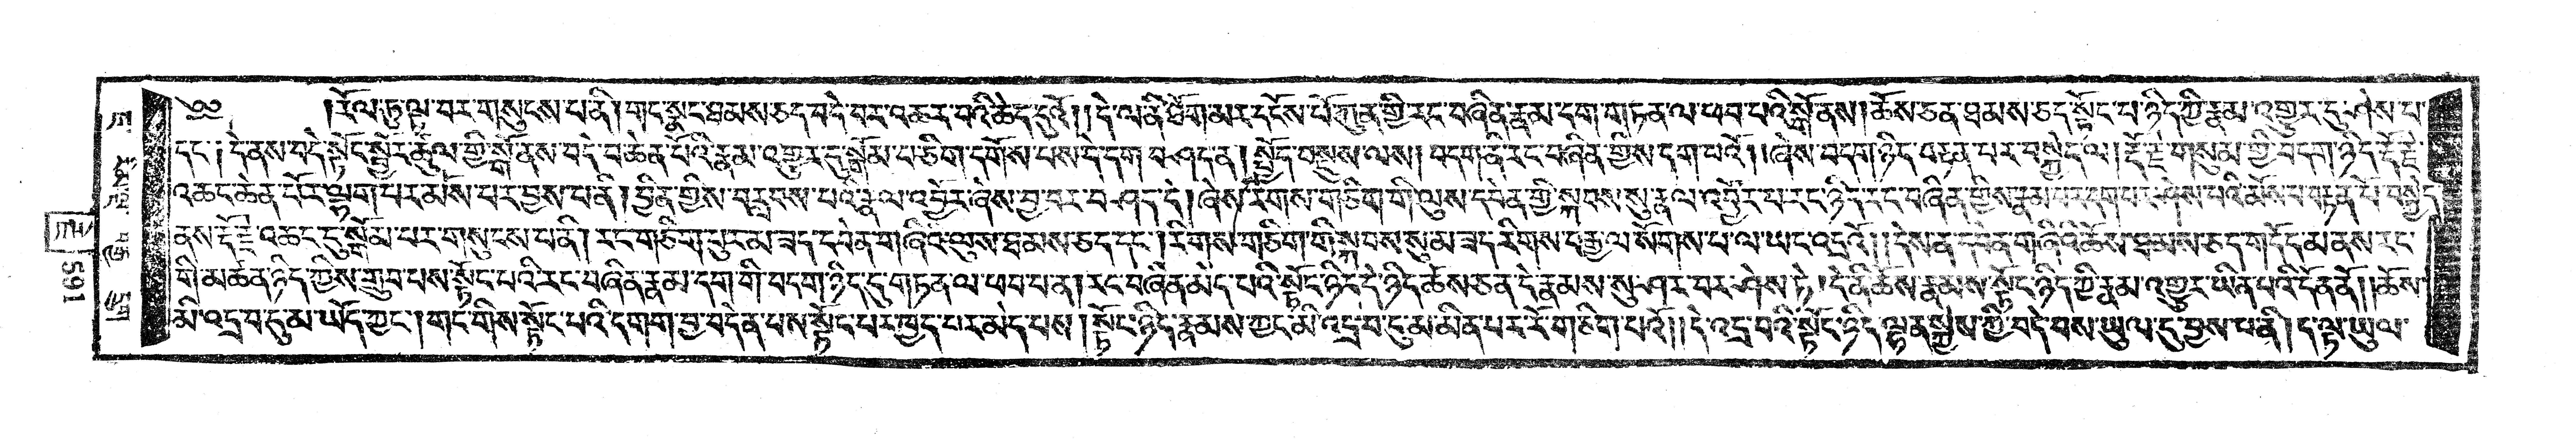༄༅། །རོལ་ཏུ་ལྟ་བར་གསུངས་པ་ནི། གང་སྣང་ཐམས་ཅད་བདེ་བར་འཆར་བའི་ཆེད་དུའོ། །དེ་ལ་ནི་ཐོག་མར་དངོས་པོ་ཀུན་གྱི་རང་བཞིན་རྣམ་དག་གཏན་ལ་ཕབ་པའི་སྒོ་ནས། ཆོས་ཅན་ཐམས་ཅད་སྟོང་པ་ཉིད་ཀྱི་རྣམ་འགྱུར་དུ་ཤེས་པ་
དང་། དེ་ནས་བདེ་སྟོང་སྦྱོར་ཚུལ་གྱི་སྒོ་ནས་བདེ་བ་ཆེན་པོའི་རྣམ་འགྱུར་དུ་སྒོམ་པ་ཅིག་དགོས་པས་དེ་དག་བཤད་ན། སྤྱོད་བསྡུས་ལས། བདག་ནི་རང་བཞིན་གྱིས་དག་པའོ། །ཞེས་བདག་ཉིད་བརྟན་པར་བསྐྱེད་ལ། རྡོ་རྗེ་གསུམ་གྱི་བདག་ཉིད་རྡོ་རྗེ་
འཆང་ཆེན་པོར་ལྷག་པར་མོས་པར་བྱས་པ་ནི། བྱིན་གྱིས་བརླབས་པའི་རྣལ་འབྱོར་ཞེས་བྱ་བར་བཤད་དེ། ཞེས་རིགས་གཅིག་གི་ལུས་དབེན་གྱི་སྐབས་སུ་རྣལ་འབྱོར་པ་རང་ཉིད་རང་བཞིན་གྱིས་རྣམ་པར་དག་པར་ཤེས་པའི་མོས་པ་བརྟན་པོ་བསྐྱེད་
ནས་རྡོ་རྗེ་འཆང་དུ་སྒོམ་པར་གསུངས་པ་ནི། རང་གཅིག་པུར་མ་ཟད་དབེན་གཞིའི་ལུས་ཐམས་ཅད་དང་། རིགས་གཅིག་གི་སྐབས་སུ་མ་ཟད་རིགས་བརྒྱ་ལ་སོགས་པ་ལ་ཡང་འདྲའོ། །དེས་ན་དབེན་གཞིའི་ཆོས་ཐམས་ཅད་གདོད་མ་ནས་རང་
གི་མཚན་ཉིད་ཀྱིས་གྲུབ་པས་སྟོང་པའི་རང་བཞིན་རྣམ་དག་གི་བདག་ཉིད་དུ་གཏན་ལ་ཕབ་པ་ན། རང་བཞིན་མེད་པའི་སྟོང་ཉིད་དེ་ཉིད་ཆོས་ཅན་དེ་རྣམས་སུ་ཤར་བར་ཤེས་ཏེ། དེ་ནི་ཆོས་རྣམས་སྟོང་ཉིད་ཀྱི་རྣམ་འགྱུར་ཡིན་པའི་དོན་ནོ། །ཆོས་
མི་འདྲ་བ་དུ་མ་ཡོད་ཀྱང་། གང་གིས་སྟོང་པའི་དགག་བྱ་བདེན་པས་སྟོང་པར་ཁྱད་པར་མེད་པས། སྟོང་ཉིད་རྣམས་ཀྱང་མི་འདྲ་བ་དུ་མ་མིན་པར་རོ་གཅིག་པའོ། །དེ་འདྲ་བའི་སྟོང་ཉིད་ལྷན་སྐྱེས་ཀྱི་བདེ་བས་ཡུལ་དུ་བྱས་པ་ནི། ད་ལྟ་ཡུལ་